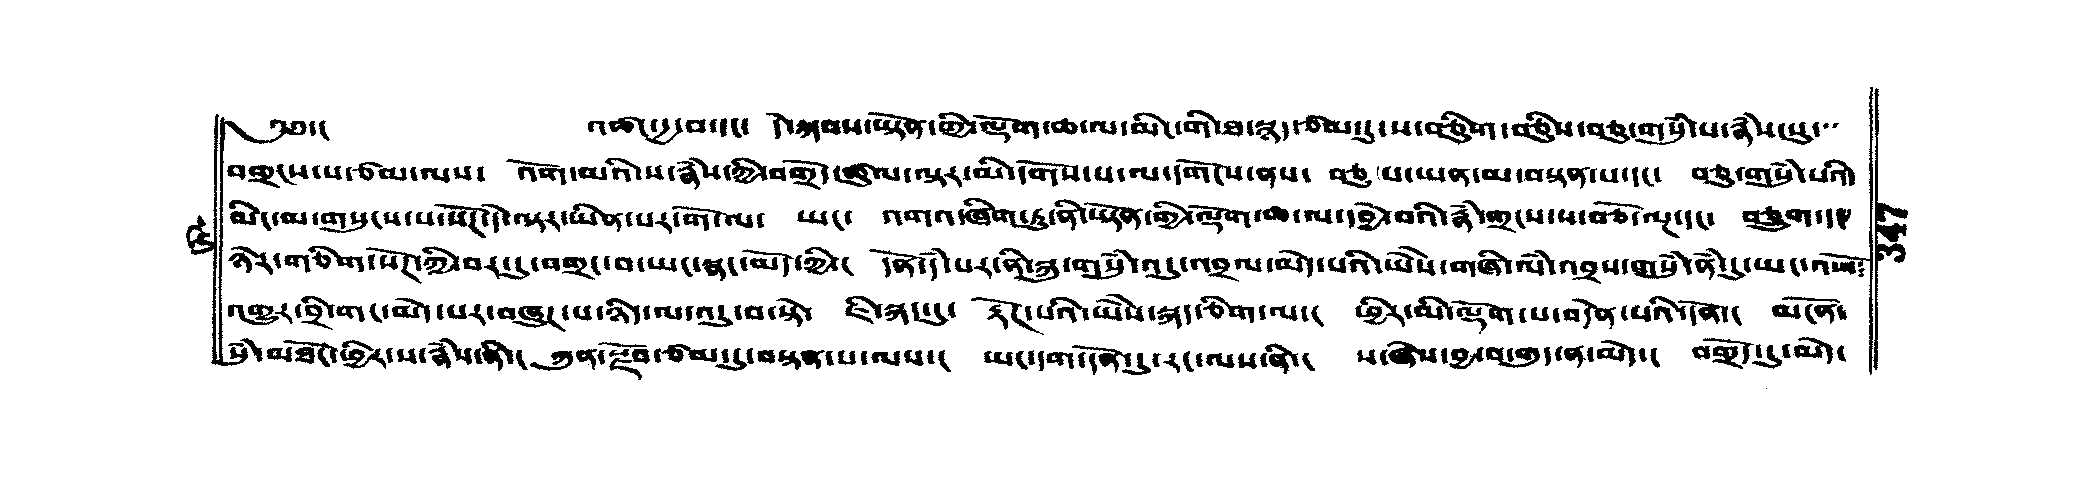འཚང་རྒྱ་བ་དང་། དེ་སྐབས་ཡོན་ཏན་གྱི་ལྡོག་ཆ་ལ་མིང་གི་ཐ་སྙད་ཙམ་དུ་ས་བཅུ་གཅིག་བཅུ་གཉིས་བཅུ་གསུམ་པ་རྣམས་སུ་
བགྲངས་པ་ཙམ་ལས། འོག་མའི་ས་རྣམས་ཀྱི་བགྲོད་ཚུལ་ལྟར་མི་དགོས་པ་ལ་དགོངས་ནས། བཅུ་པ་ཡན་མ་བསྟན་པ་དང་། བཅུ་གསུམ་པའི་
མིང་མ་གསུངས་པ་སོགས་དེ་ལྟར་ཡིན་པར་གོ་ལ། ཡང་། འགའ་ཞིག་ཏུ་ནི་ཡོན་ཏན་གྱི་ལྡོག་ཆ་ལ་དབྱེ་བའི་རྣམ་གྲངས་ས་བཅོ་ལྔ་དང་། བཅུ་དྲུག་དང་
ཉེར་གཅིག་སོགས་ཀྱི་བར་དུ་བགྲང་བ་ཡང་སྣང་མོད་ཀྱི། དོན་དམ་པར་ནི་སྐུ་གསུམ་འདུ་འབྲལ་མེད་པའི་ཡེ་ཤེས་གཞི་ལམ་འབྲས་གསུམ་ནམ་དུ་ཡང་འཕོ་
འགྱུར་བྲི་གང་མེད་པར་བཞུགས་པ་ཉིད་ལ་འདུ་བ་སྟེ། ཇི་སྐད་དུ། རྟོགས་པའི་ཡེ་ཤེས་སྐད་ཅིག་ལ། །ཕྱིར་མི་ལྡོག་པ་བདེན་པའི་དོན། །མངོན་
སུམ་མཐོང་ཕྱིར་ས་རྣམས་ནི། །ཀུན་རྗོབ་ཙམ་དུ་བསྟན་པ་ལས། །ཡང་དག་དོན་དུ་རང་ལས་ནི། །ས་ཞེས་བྱ་བ་གུད་ན་མེད། །བགྲོད་དུ་མེད་